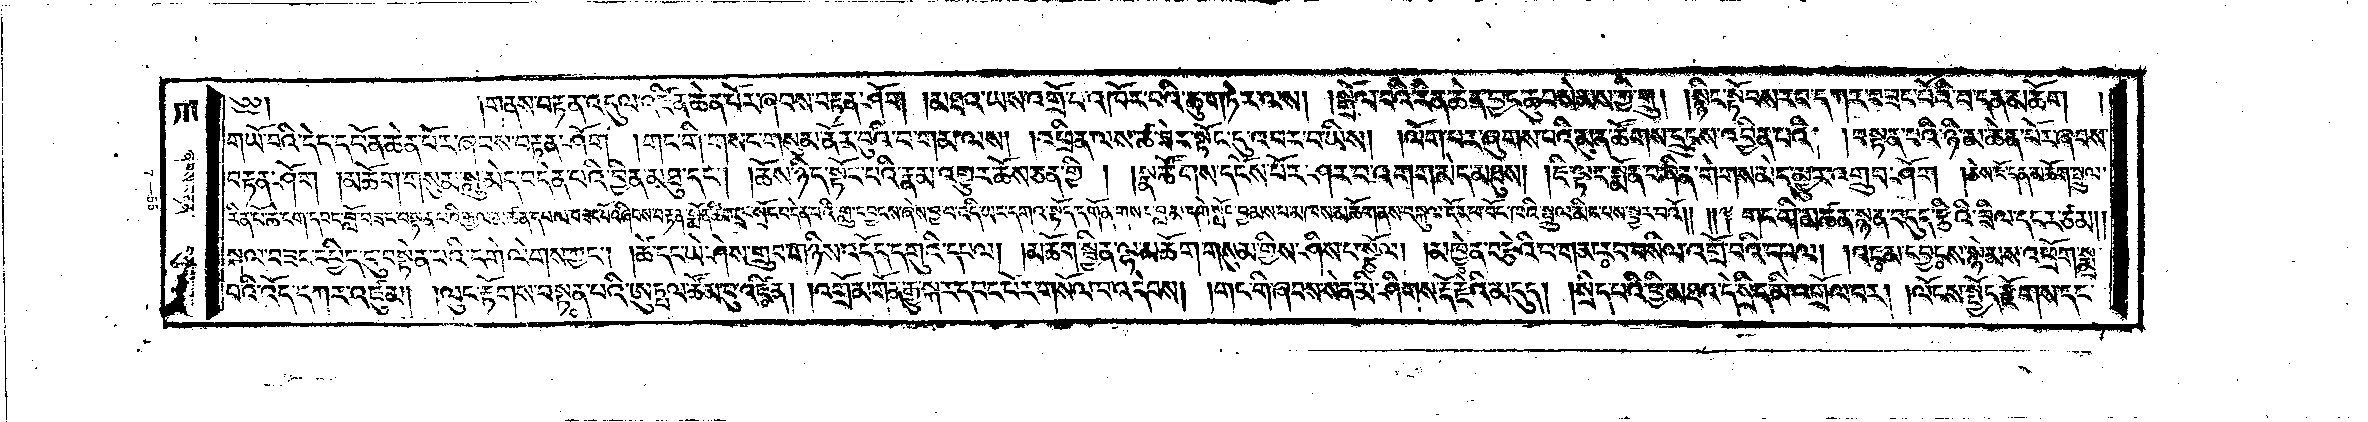༄༅། །གནས་བརྟན་འདུལ་འཛིན་ཆེན་པོར་ཞབས་བརྟན་ཤོག །མཐའ་ཡས་འགྲོ་བ་འཁོར་བའི་ཆུ་གཏེར་ལས། །སྒྲོལ་བའི་རིན་ཆེན་བྱང་ཆུབ་སེམས་ཀྱི་གྲུ། །སྙིང་སྟོབས་རབ་དཀར་བཟང་པོའི་བ་དན་མཆོག །
གཡོ་བའི་དེད་དཔོན་ཆེན་པོར་ཞབས་བརྟན་ཤོག །གང་གི་གསང་གསུམ་ནོར་བུའི་པ་གམ་ལས། །འཕྲིན་ལས་ཚ་ཟེར་སྟོང་དུ་འབར་བ་ཡིས། །ལོག་པར་ཞུགས་པའི་མུན་ཚོགས་དྲུངས་འབྱིན་པའི། །བསྟན་པའི་ཉི་མ་ཆེན་པོར་ཞབས་
བརྟན་ཤོག །མཆོག་གསུམ་སླུ་མེད་བདེན་པའི་བྱིན་མཐུ་དང་། །ཆོས་ཉིད་སྟོང་པའི་རྣམ་འགྱུར་ཆོས་ཅན་གྱི། །སྣ་ཚོགས་དངོས་པོར་ཤར་བ་འགག་མེད་མཐུས། །ཇི་ལྟར་སྨོན་བཞིན་གེགས་མེད་མྱུར་འགྲུབ་ཤོག །ཅེས་ཇོ་དན་མཆོག་སྤྲུལ་
རིན་པོ་ཆེ་ངག་དབང་བློ་བཟང་བསྟན་པའི་རྒྱལ་མཚན་དཔལ་བོའི་ཞབས་བརྟན་སྨོན་ཚིག་དྲང་སྲོང་བདེན་པའི་གླུ་དབྱངས་ཞེས་བྱ་བ་འདི་ཡང་དགའ་སྟོད་དགོན་གསར་བླ་མ་དགེ་སློང་བྱམས་པ་མཁས་མཆོག་ནས་བསྐུལ་ངོར་ཕ་བོང་ཁའི་སྦྲུལ་མིང་པས་སྦྱར་བའོ།། །།༈ གང་གི་མཚན་སྙན་བདུད་རྩིའི་ཟིལ་དངར་ཙམ།།
སྐལ་བཟང་དཔྱིད་དུ་བསྟེན་པའི་དགེ་ལེགས་ཀྱང་། །ཚེ་དང་ཡེ་ཤེས་གྲུབ་གཉིས་འདོད་དགུའི་དཔལ། །མཆོག་སྦྱིན་ལྷ་མཆོག་གསུམ་གྱིས་ཤིས་པ་སྩོལ། །མཁྱེན་བརྩེའི་བག་མ་རབ་བསིལ་འགྲོ་བའི་དཔལ། །འཇམ་དབྱངས་སྙེམས་འཕྲོག་སྨྲ་
བའི་འོད་དཀར་འཛུམ། །ལུང་རྟོགས་བསྟན་པའི་ཨུཏྤལ་ཚོམ་བུ་འཛིན། །འགྲོ་མགོན་རྒྱུ་སྐར་དབང་པོར་གསོལ་བ་འདེབས། །གང་གི་ཞབས་སེན་མི་ཤིགས་རྡོ་རྗེའི་མདུད། །སྲིད་པའི་ཕྱི་མཐའ་དེ་སྲིད་མི་འགྲོལ་བར། །ལོངས་སྤྱོད་རྫོགས་དང་